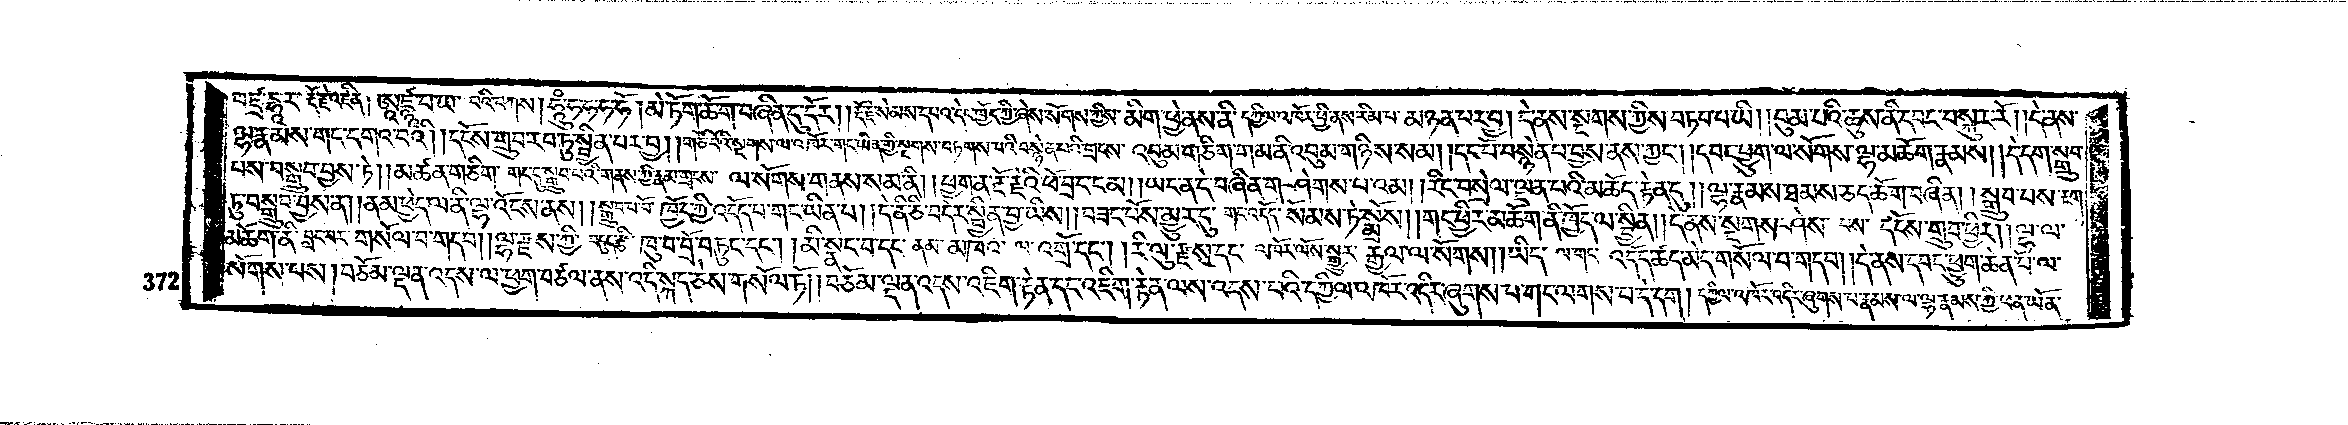བཛྲ་དྷཱ་ར་རྡོ་རྗེ་འཛིན། ཨཱཛྙཱ་པ་ཡ་པའི་བཀས། ཧཱུཾ་ཧ་ཧ་ཧ་ཧོ། མེ་ཏོག་ཆོ་ག་བཞིན་དུ་དོར། ། རྡོ་རྗེ་སེམས་དཔའ་དེང་ཁྱོད་ཀྱི་ཞེས་སོགས་ཀྱིས་མིག་ཕྱེ་ནས་ནི་དཀྱིལ་འཁོར་ཕྱི་ནས་རིམ་པ་མཉན་པར་བྱ། དེ་ནས་སྔགས་ཀྱིས་བཏབ་པ་ཡི། །བུམ་པའི་ཆུས་ནི་དབང་བསྐུར་རོ། །དེ་ནས་
ལྷ་རྣམས་གང་དགའ་བའི། །དངོས་གྲུབ་རབ་ཏུ་སྦྱིན་པར་བྱ། ། གཙོ་བོའི་སྔགས་ལ་འཁོར་གང་ཡིན་གྱི་སྔགས་བཏགས་པའི་བསྙེན་པའི་གྲངས་འབུམ་གཅིག་གམ་ནི་འབུམ་གཉིས་སམ། །དང་པོ་བསྙེན་པ་བྱས་ནས་ཀྱང་། །དབང་ཕྱུག་ལ་སོགས་ལྷ་མཆོག་རྣམས། །དེ་དག་སྒྲུབ་
པས་བསྒྲུབ་བྱས་ཏེ། །མཚན་གཅིག་གང་དུ་སྒྲུབ་པའི་གནས་ཀྱི་རྣམ་གྲངས་ལ་སོགས་གནས་སམ་ནི། །ཕྱག་ན་རྡོ་རྗེའི་ཕོ་བྲང་ངམ། །ཡང་ན་དེ་བཞིན་གཤེགས་པ་འམ། །རིང་བསྲེལ་ལྡན་པའི་མཆོད་རྟེན་དུ། །ལྷ་རྣམས་ཐམས་ཅད་ཆོ་ག་བཞིན། །སྒྲུབ་པས་རྟག་
ཏུ་བསྒྲུབ་བྱས་ན། །ནམ་ཕྱེད་ལ་ནི་ལྷ་འོངས་ནས། ། སྒྲུབ་པ་པོ་ཁྱོད་ཀྱི་འདོད་པ་གང་ཡིན་པ། །དེ་ནི་ཅི་བདེར་སྦྱིན་བྱ་ཡིས། །བཟང་པོས་མྱུར་དུ་གང་འདོད་སོམས་ཏེ་སྨྲོས། །གང་ཕྱིར་མཆོག་ནི་ཁྱོད་ལ་སྦྱིན། །དེ་ནས་སྔགས་ཤེས་པས་དངོས་གྲུབ་ཕྱིར། །ལྷ་ལ་
མཆོག་ནི་བླང་བར་གསོལ་བ་གདབ། །ལྷ་རྫས་ཀྱི་བདུད་རྩི་ཁུ་བ་བྲོ་བཏུང་དང་། །མི་སྣང་བ་དང་ནམ་མཁའ་ལ་འགྲོ་དང་། །རི་ལུ་རྫས་དང་། འཁོར་ལོས་སྒྱུར་རྒྱལ་ལ་སོགས། །ཡིད་ལ་གང་འདོད་ཚད་མེད་གསོལ་བ་གདབ། །དེ་ནས་དབང་ཕྱུག་ཆེན་པོ་ལ་སོགས་པས། བཅོམ་ལྡན་འདས་ལ་ཕྱག་བཙལ་ནས་འདི་སྐད་ཅེས་གསོལ་ཏོ། །བཅོམ་ལྡན་འདས་འཇིག་རྟེན་དང་འཇིག་རྟེན་ལས་འདས་བའི་དཀྱིལ་འཁོར་འདིར་ཞུགས་པ་གང་ལགས་པ་དེ་དག །དཀྱིལ་འཁོར་འདིར་ཞུགས་པ་རྣམས་ལ་ལྷ་རྣམས་ཀྱི་ཕན་ཡོན་